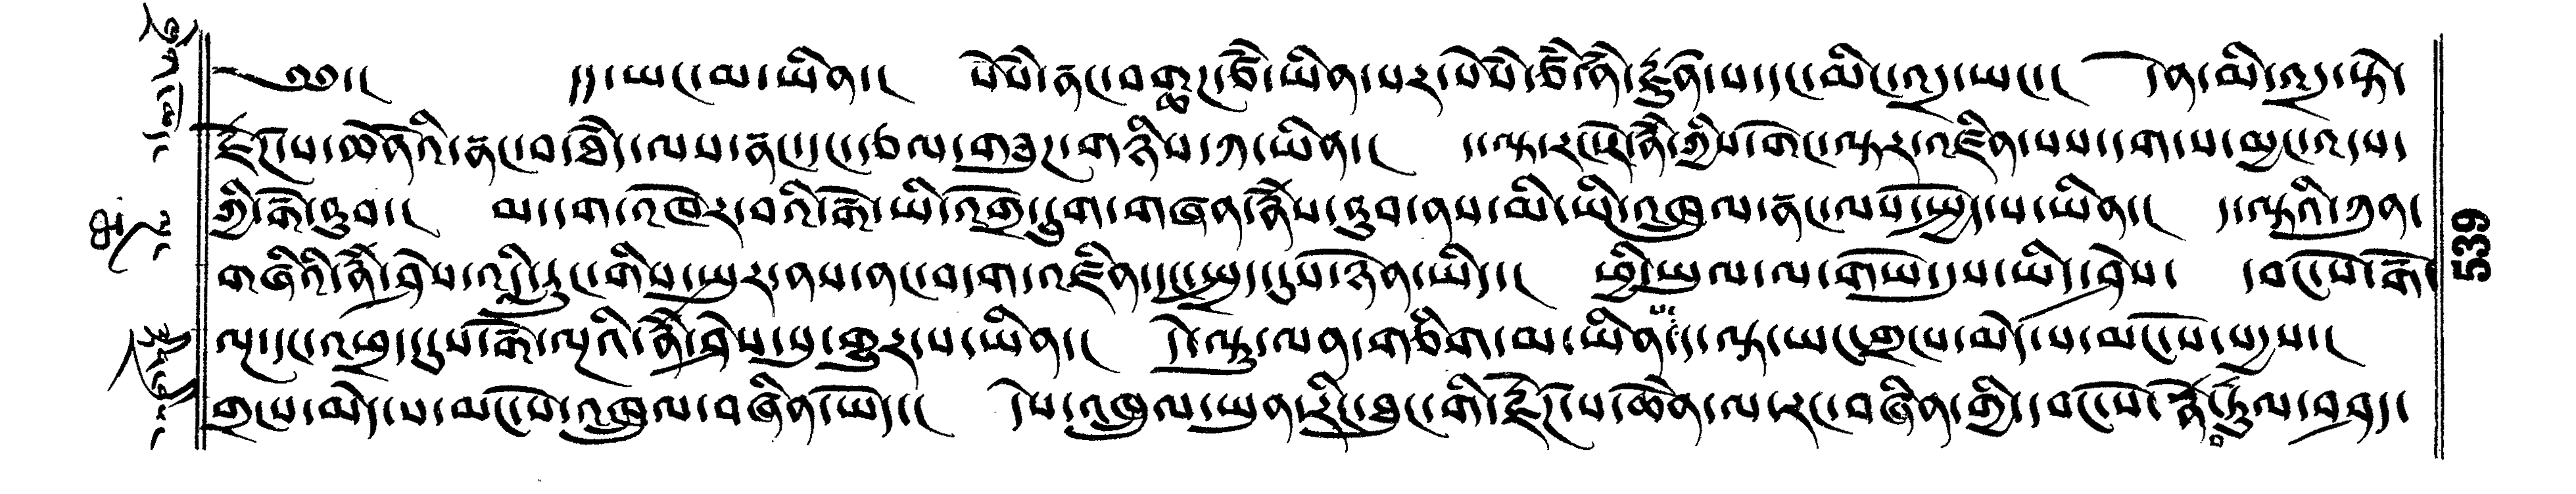དད་ཀྱང་མ་ཡིན། སེམས་སྣང་བག་ཆགས་ཙམ་ཡིན་པར་སེམས་ཙམ་རྣམ་རྫུན་པ་དང་མིང་འདྲ་ཡང་དོན་མི་འདྲ་སྟེ། 
རྫོགས་པ་ཆེན་པོའི་སྣང་བ་ཐམས་ཅད་ལས་སྣང་དང་རྩལ་གཟུགས་གཉིས་ཀ་ཡིན། ད་ལྟ་རང་རེ་རྣམས་ཀྱིས་གོང་ལྟར་འཛིན་པས་དག་པ་མྱང་འདས་
ཀྱི་སྒོ་ནུབ། མ་དག་འཁོར་བའི་སྒོ་ཡི་འགྲོ་དྲུག་གཞན་རྣམས་ནུབ་ནས་མི་ཡི་འཁྲུལ་སྣང་ལ་སྤྱོད་པ་ཡིན། ད་ལྟའི་ཀུན་
གཞིའི་རྣམ་ཤེས་འདི་རླུང་གིས་སྤུར་ནས་ནང་བདག་འཛིན་དང་སྤྲད་དུས་ཉོན་ཡིད།ཕྱི་ཡུལ་ལ་གཡོ་དུས་ཡིད་ཤེས། དབང་པོ་སྒོ་
ལྔ་དང་འཕྲད་དུས་སྒོ་ལྔའི་རྣམ་ཤེས་སུ་གྱུར་པ་ཡིན། དེ་ལྟ་བུ་ལན་གཅིག་མ་ཡིན་པར་ད་ལྟ་ཡང་གྲངས་མེད་པོར་མང་པོ་སངས་རྒྱས། 
གྲངས་མེད་པ་མང་པོར་འཁྲུལ་བཞིན་ཡོད། དེས་འཁྲུལ་ཡུན་རིང་ཐུང་གི་རྫོགས་པ་ཆེན་པོ་ལ་རང་བཞིན་གྱི་དབང་པོ་རྣོ་བརྟུལ་བཤད་